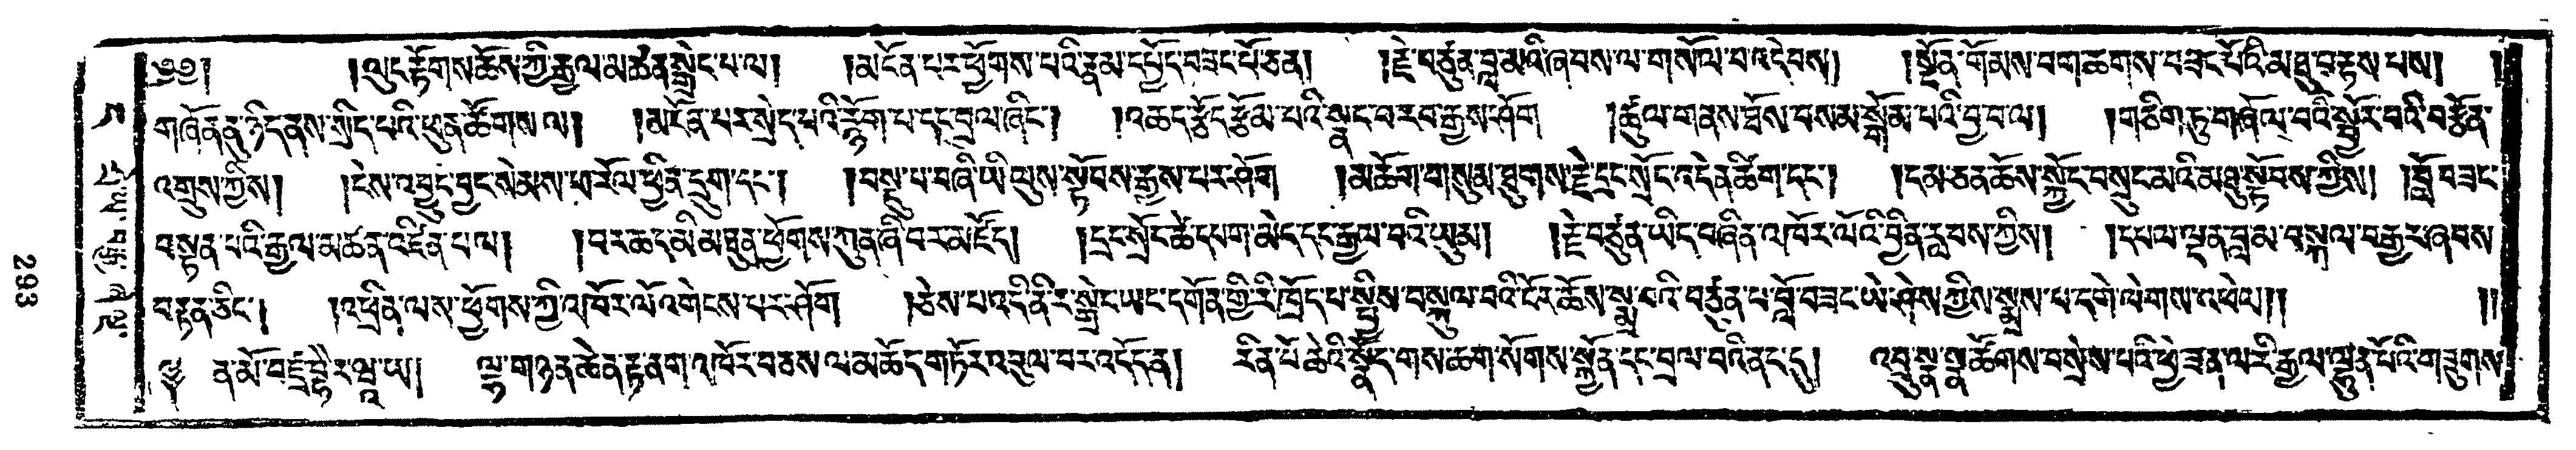༄༅། །ལུང་རྟོགས་ཆོས་ཀྱི་རྒྱལ་མཚན་སྒྲེང་པ་ལ། །མངོན་པར་ཕྱོགས་པའི་རྣམ་དཔྱོད་བཟང་པོ་ཅན། །རྗེ་བཙུན་བླ་མའི་ཞབས་ལ་གསོལ་བ་འདེབས། །སྔོན་གོམས་བག་ཆགས་བཟང་པོའི་མཐུ་བརྟས་པས། །
གཞོན་ནུ་ཉིད་ནས་སྲིད་པའི་ཕུན་ཚོགས་ལ། །མངོན་པར་སྲེད་པའི་རྙོག་པ་དང་བྲལ་ཞིང་། །འཆད་རྩོད་རྩོམ་པའི་སྣང་བ་རབ་རྒྱས་ཤོག །ཚུལ་གནས་ཐོས་བསམ་སྒོམ་པའི་བྱ་བ་ལ། །གཅིག་ཏུ་གཞོལ་བའི་སྦྱོར་བའི་བརྩོན་
འགྲུས་ཀྱིས། །ངེས་འབྱུང་བྱང་སེམས་ཕ་རོལ་ཕྱིན་དྲུག་དང་། །བསྡུ་པ་བཞི་ཡི་ལུས་སྟོབས་རྒྱས་པར་ཤོག །མཆོག་གསུམ་ཐུགས་རྗེ་དྲང་སྲོང་འདེན་ཚིག་དང་། །དམ་ཅན་ཆོས་སྐྱོང་བསྲུང་མའི་མཐུ་སྟོབས་ཀྱིས། །བློ་བཟང་
བསྟན་པའི་རྒྱལ་མཚན་འཛིན་པ་ལ། །བར་ཆད་མི་མཐུན་ཕྱོགས་ཀུན་ཞི་བར་མཛོད། །དྲང་སྲོང་ཚེ་དཔག་མེད་དང་རྒྱལ་བའི་ཡུམ། །རྗེ་བཙུན་ཡིད་བཞིན་འཁོར་ལོའི་བྱིན་རླབས་ཀྱིས། །དཔལ་ལྡན་བླ་མ་བསྐལ་བརྒྱར་ཞབས་
བརྟན་ཅིང་། །འཕྲིན་ལས་ཕྱོགས་ཀྱི་འཁོར་ལོ་འགེངས་པར་ཤོག །ཅེས་པ་འདི་ནི་ར་སྒྲེང་ཡང་དགོན་གྱི་རི་ཁྲོད་པ་སྤྱིས་བསྐུལ་བའི་ངོར་ཆོས་སྨྲ་བའི་བཙུན་པ་བློ་བཟང་ཡེ་ཤེས་ཀྱིས་སྨྲས་པ་དགེ་ལེགས་འཕེལ།། །།
༈ ན་མོ་བཛྲ་བྷཻ་ར་ཝཱ་ཡ། ལྷ་གཉན་ཆེན་རྟ་ནག་འཁོར་བཅས་ལ་མཆོད་གཏོར་འབུལ་བར་འདོད་ན། རིན་པོ་ཆེའི་སྣོད་གས་ཆག་སོགས་སྐྱོན་དང་བྲལ་བའི་ནང་དུ། འབྲུ་སྣ་སྣ་ཚོགས་བསྲེས་པའི་ཕྱེ་ཟན་ལ་རི་རྒྱལ་ལྷུན་པོའི་གཟུགས་